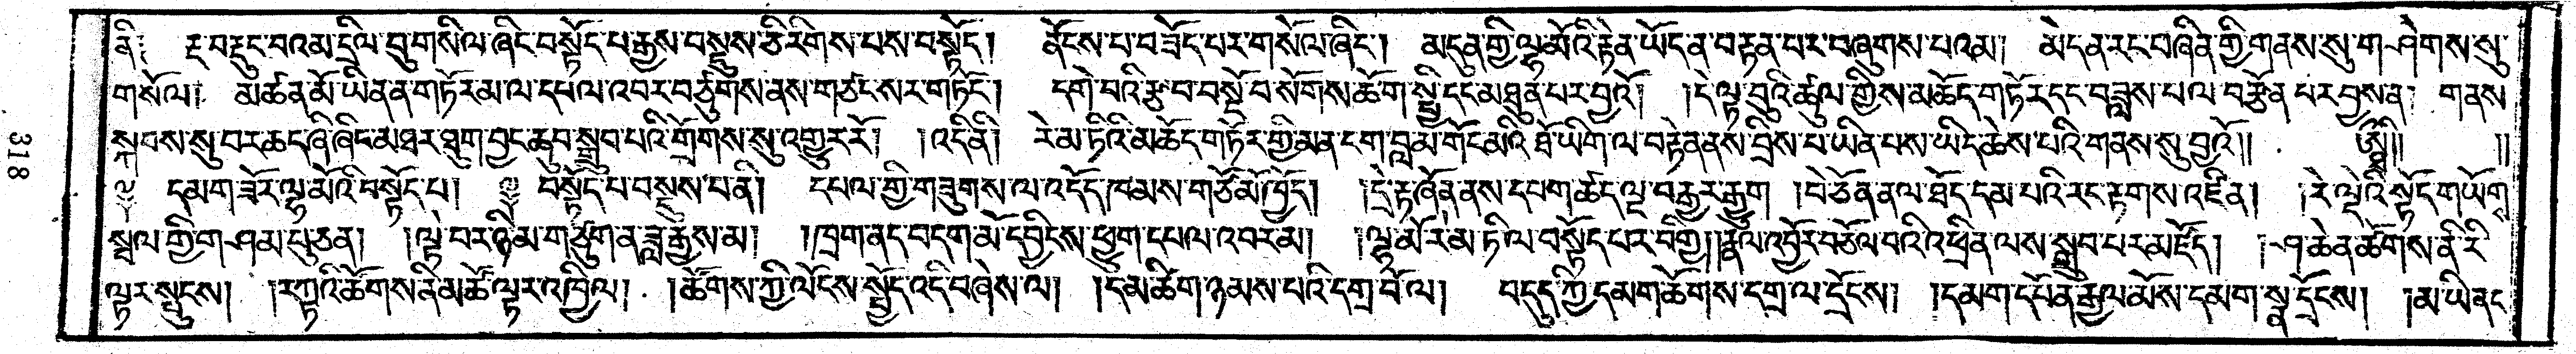ནི༑ རྔ་བརྡུང་བའམ་དྲིལ་བུ་གསིལ་ཞིང་བསྟོད་པ་རྒྱས་བསྡུས་ཅི་རིགས་པས་བསྟོད། ནོངས་པ་བཟོད་པར་གསོལ་ཞིང་། མདུན་གྱི་ལྷ་མོའི་རྟེན་ཡོད་ན་བརྟན་པར་བཞུགས་པའམ། མེད་ན་རང་བཞིན་གྱི་གནས་སུ་གཤེགས་སུ་
གསོལ༑ མཚན་མོ་ཡིན་ན་གཏོར་མ་ལ་དཔལ་འབར་བཙུགས་ནས་གཙང་སར་གཏོང་། དགེ་བའི་རྩ་བ་བསྔོ་བ་སོགས་ཆོ་ག་སྤྱི་དང་མཐུན་པར་བྱའོ། །དེ་ལྟ་བུའི་ཚུལ་གྱིས་མཆོད་གཏོར་དང་བཟླས་པ་ལ་བརྩོན་པར་བྱས་ན། གནས་
སྐབས་སུ་བར་ཆད་ཞི་ཞིང་མཐར་ཐུག་བྱང་ཆུབ་སྒྲུབ་པའི་གྲོགས་སུ་འགྱུར་རོ། །འདི་ནི། རེ་མ་ཏིའི་མཆོད་གཏོར་གྱི་མན་ངག་བླ་མ་གོང་མའི་ཐོ་ཡིན་ལ་བརྟེན་ནས་བྲིས་པ་ཡིན་པས་ཡིན་ཆེས་པའི་གནས་སུ་བྱའོ།། ཨྀཐི།། །།
༈ དམག་ཟོར་ལྷ་མོའི་བསྟོད་པ། ༈ བསྟོད་པ་བསྡུས་པ་ནི། དཔལ་གྱི་གཟུགས་ལ་འདོད་ཁམས་གཙོ་མོ་ཁྱོད། །དྲེ་རྟ་ཞོན་ནས་དཔག་ཚད་ལྔ་བརྒྱར་རྒྱུག །བེ་ཅོན་ནལ་ཐོད་དམ་པའི་རང་རྟགས་འཛིན། །རེ་ལྡེའི་སྟོད་གཡོགས་
སྦལ་གྱི་གཤམ་བུ་ཅན། །ལྟེ་བར་ཉི་མ་གཙུག་ན་ཟླ་རྒྱས་མ། །ཁྲག་ནད་བདག་མོ་དབྱིངས་ཕྱུག་དཔལ་འབར་མ། །ལྷ་མོ་རེ་མ་ཏིལ་བསྟོད་པར་བགྱི། །རྣལ་འབྱོར་བཅོལ་བའི་འཕྲིན་ལས་སྒྲུབ་པར་མཛོད། །ཤ་ཆེན་ཚོགས་ནི་རི་
ལྟར་སྤུངས། །རཀྟའི་ཚོགས་ནི་མཚོ་ལྟར་འཁྱིལ། །ཚོགས་ཀྱི་ལོངས་སྤྱོད་འདི་བཞེས་ལ། །དམ་ཚིག་ཉམས་པའི་དགྲ་བོ་ལ། བདུད་ཀྱི་དམག་ཆོག་དགྲ་ལ་དྲོངས། །དམག་དཔོན་རྒྱལ་མོས་དམག་སྣ་དྲོངས། །མ་ཡི་ནང་